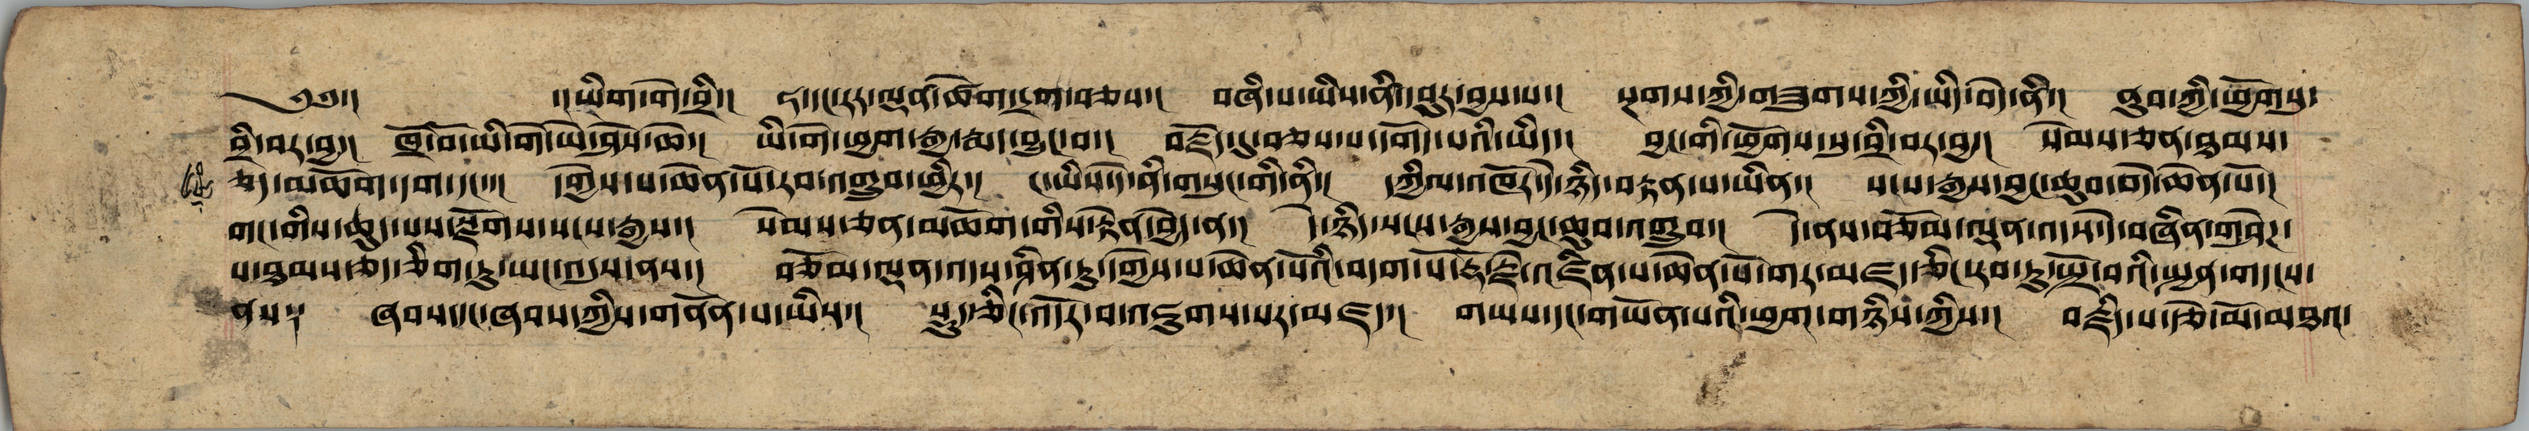༄༅་། ་།ཡིག་གེ་བྲི་། ཧ་དང་རར་ལྡན་ཚེག་དྲག་བཅས་། བཞི་པ་ཡིས་ནི་དབུར་བྱས་པ་། སྔགས་ཀྱི་གཟུགས་ཀྱི་ཡིད་བདེ་ནི་། ནུབ་ཀྱི་ཕྱོགསུ་
བྲི་བར་བྱ་། ཁྲོ་བོ་ཡི་གེ་ཡེ་ཤེས་ཆེ་། ཡི་གེ་ཕྱག་རྒྱ་རྨད་བྱུང་བ་། བརྗོད་དུ་བཅས་པ་དགོད་པའི་ཡིད་། བྱང་གི་ཕྱོགས་སུ་བྲི་བར་བྱ་། སེམས་ཅན་ཐམས་
ཅད་མཆོག་དག་དང་་། དགྱེས་པ་ཆེན་པོ་རབ་འགྲུབ་ཕྱིར་། ང་ཡིས་དེ་ནི་གསུང་གི་ནི་། དཀྱིལ་འཁོར་དེ་ཉིད་བརྟན་པ་ཡིན་། སངས་རྒྱས་བྱང་ཆུབ་བདེ་ཆེན་པོ་།
གང་གིས་ཆུད་པས་སྫོགས་སངས་རྒྱས་། སེམས་ཅན་མཆོག་གིས་རྟེན་བྱེད་ན་། དེ་ཉིད་སངས་རྒྱས་བྱང་ཆུབ་འགྲུབ་། དེ་ནས་བཅོམ་ལྡན་འདས་དེ་བཞིན་གཤེཌ་
པ་ཐམས་ཅད་ཅིག་ཏུ་ཡང་འདུས་ནས་། བཅོམ་ལྡན་འདས་ཤིན་ཏུ་དགྱེས་པ་ཆེན་པོའི་བདག་པོ་རྡོ་རྗེ་འཛིན་པ་ཆེན་པོ་གར་མཛད་ཅིང་རབ་ཏུ་སྤྲོ་བའི་སྤྱན་གདངས་
ནས༑ ཞབས་དང་ཞབས་ཀྱིས་གནོན་པ་ཡིས་། སྡུད་ཅིང་འདོར་བ་འཇུགས་པར་མཛད་། གཡས་དང་གཡོན་པའི་ཕྱག་གཉིས་ཀྱིས་། བརྗིད་པ་རྩེ་མོ་མཐའ་